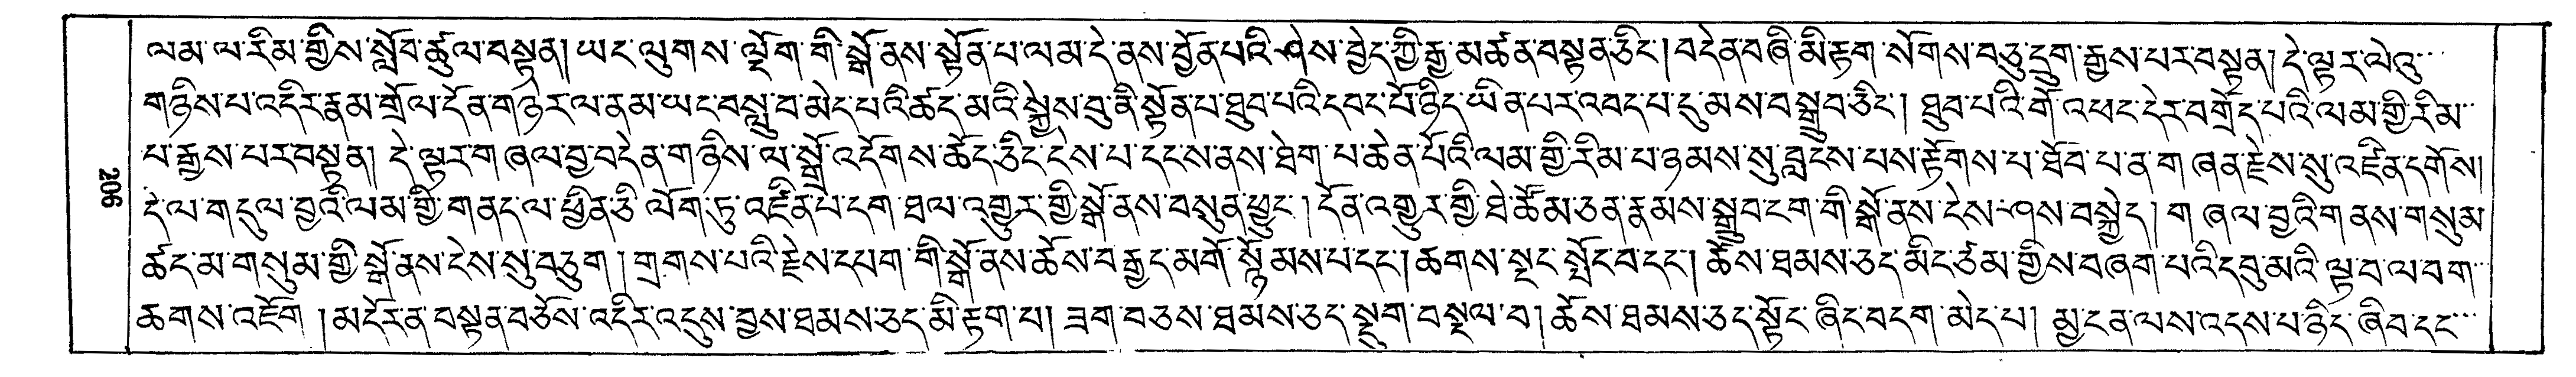ལམ་ལ་རིམ་གྱིས་སློབ་ཚུལ་བསྟན། ཡང་ལུགས་ལྡོག་གི་སྒོ་ནས་སྟོན་པ་ལམ་དེ་ནས་བྱོན་པའི་ཤེས་བྱེད་ཀྱི་རྒྱུ་མཚན་བསྟན་ཅིང་། བདེན་བཞི་མི་རྟག་སོགས་བཅུ་དྲུག་རྒྱས་པར་བསྟན། དེ་ལྟར་ལེའུ་
གཉིས་པ་འདིར་རྣམ་གྲོལ་དོན་གཉེར་ལ་ནམ་ཡང་བསླུ་བ་མེད་པའི་ཚད་མའི་སྐྱེས་བུ་ནི་སྟོན་པ་ཐུབ་པའི་དབང་པོ་ཉིད་ཡིན་པར་འབད་པ་དུ་མས་བསྒྲུབ་ཅིང་། ཐུབ་པའི་གོ་འཕང་དེར་བགྲོད་པའི་ལམ་གྱི་རིམ་
པ་རྒྱས་པར་བསྟན། དེ་ལྟར་གཞལ་བྱ་བདེན་གཉིས་ལ་སྒྲོ་འདོགས་ཆོད་ཅིང་ངེས་པ་དྲངས་ནས་ཐེག་པ་ཆེན་པོའི་ལམ་གྱི་རིམ་པ་ཉམས་སུ་བླངས་པས་རྟོགས་པ་ཐོབ་པ་ན་གཞན་རྗེས་སུ་འཛིན་དགོས་
དེ་ལ་གདུལ་བྱའི་ལམ་གྱི་གནད་ལ་ཕྱིན་ཅི་ལོག་ཏུ་འཛིན་པ་དག་ཐལ་འགྱུར་གྱི་སྒོ་ནས་བསུན་ཕྱུང་། དོན་འགྱུར་གྱི་ཐེ་ཚོམ་ཅན་རྣམས་སྦྲུབ་ངག་གི་སྒོ་ནས་ངེས་ཤས་བསྐྱེད། གཞལ་བྱའི་གནས་གསུམ་
ཚད་མ་གསུམ་གྱི་སྒོ་ནས་ངེས་སུ་བཅུག །གྲགས་པའི་རྗེས་དཔག་གི་སྒོ་ནས་ཆོས་བརྒྱད་མགོ་སྙོམས་པ་དང་། ཆགས་སྡང་སྤོང་པ་དང་། ཆོས་ཐམས་ཅད་མིང་ཙམ་གྱིས་བཞག་པའི་དབུ་མའི་ལྟ་བ་ལ་བག་
ཆགས་འཇོག །མདོར་ན་བསྟན་བཅོས་འདིར་འདུས་བྱས་ཐམས་ཅད་མི་རྟག་པ། ཟག་བཅས་ཐམས་ཅད་སྡུག་བསྔལ་བ། ཆོས་ཐམས་ཅད་སྟོང་ཞིང་བདག་མེད་པ། མྱ་ངན་ལས་འདས་པ་ཉིད་ཞིབ་དང་